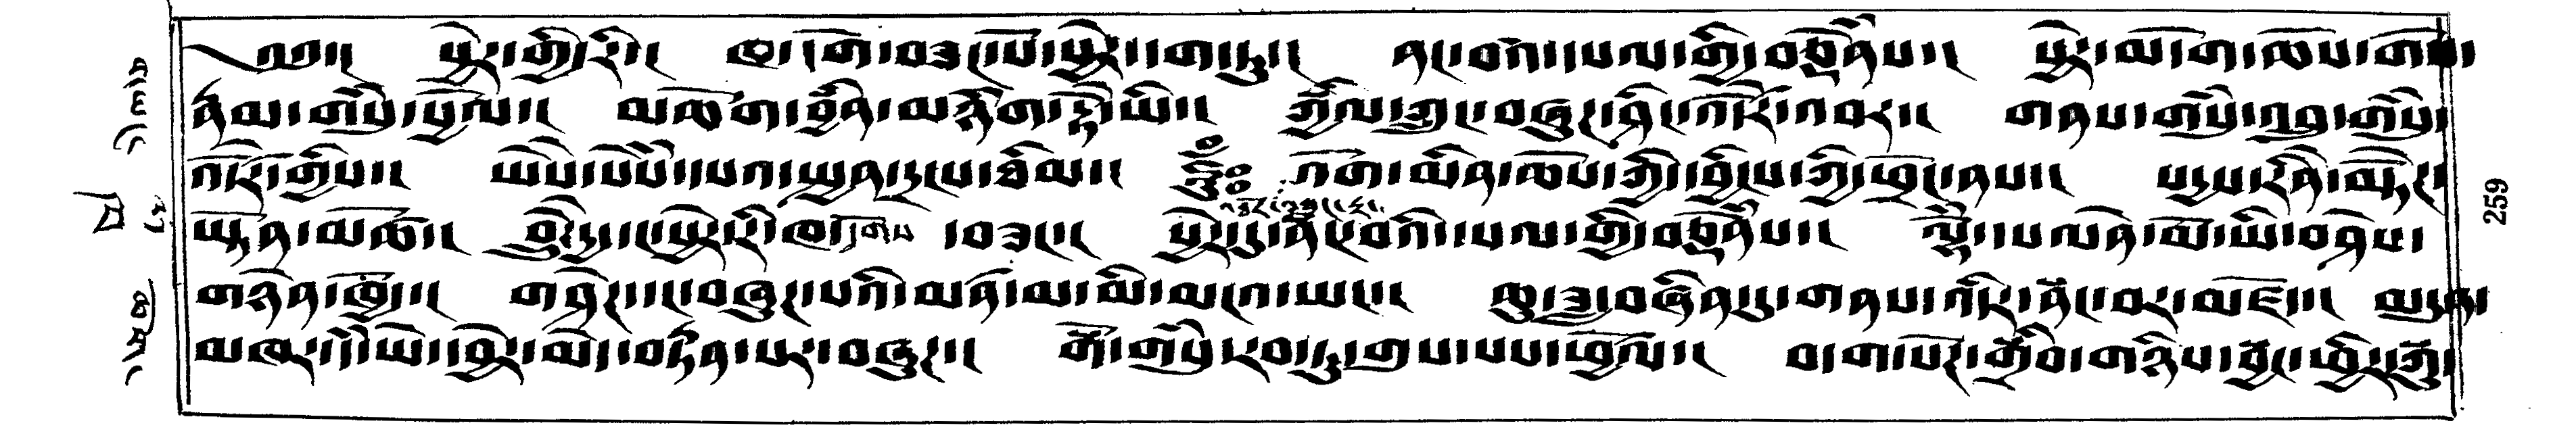གསེར་གྱི་རི། །ཁ་དོག་བཟང་པོ་གསེར་དག་ཏུ། །སྣང་བའི་དཔལ་གྱི་བཅོམ་ལྡན་འདས། གསེར་མདོག་ཆོས་གོས་
རྣམ་གསུམ་གསོལ། །མཆོག་སྦྱིན་མཉམ་བཞག་རྡོ་རྗེ་ཡི། །སྐྱིལ་ཀྲུང་བཞུགས་ཤིང་འོད་ཟེར་འབར། །གནས་གསུམ་འབྲུ་གསུམ་
འོད་ཟེར་གྱིས། ཡེ་ཤེས་སེམས་དཔའ་སྤྱན་དྲངས་ཐིམ།། ཧཱུྃཿ འོག་མིན་ཆོས་ཀྱི་དབྱིངས་ཀྱི་ཕོ་བྲང་ནས། །སངས་རྒྱས་རིན་ཆེན་མེ་ཏོག་
ཡོན་ཏན་མཚོ། །བཻཌཱུརྻ་དང་གསེར་རི་ཁ་དོག་བཟང་། །གསེར་དུ་སྣང་བའི་དཔལ་གྱི་བཅོམ་ལྡན་འདས། །ལྷ་མོ་དཔལ་ཆེན་མོ་ཡི་བཤེས་
གཉེན་ཁྱོད། །གཤེགས་དང་བཞུགས་པའི་མཚན་མ་མི་མངའ་ཡང་། །ཆུ་ཟླ་བཞིན་དུ་གནས་འདིར་སྣང་བར་མཛོད། །མདུན་
མཁར་དམ་ཡེ་དབྱེར་མེད་བརྟན་པར་བཞུགས། །སྒོ་གསུམ་རབ་ཏུ་གུས་པས་ཕྱག་འཚལ་ལོ། །བདག་སོགས་སྒྲིབ་གཉིས་སྦྱང་ཕྱིར་སྐུ་